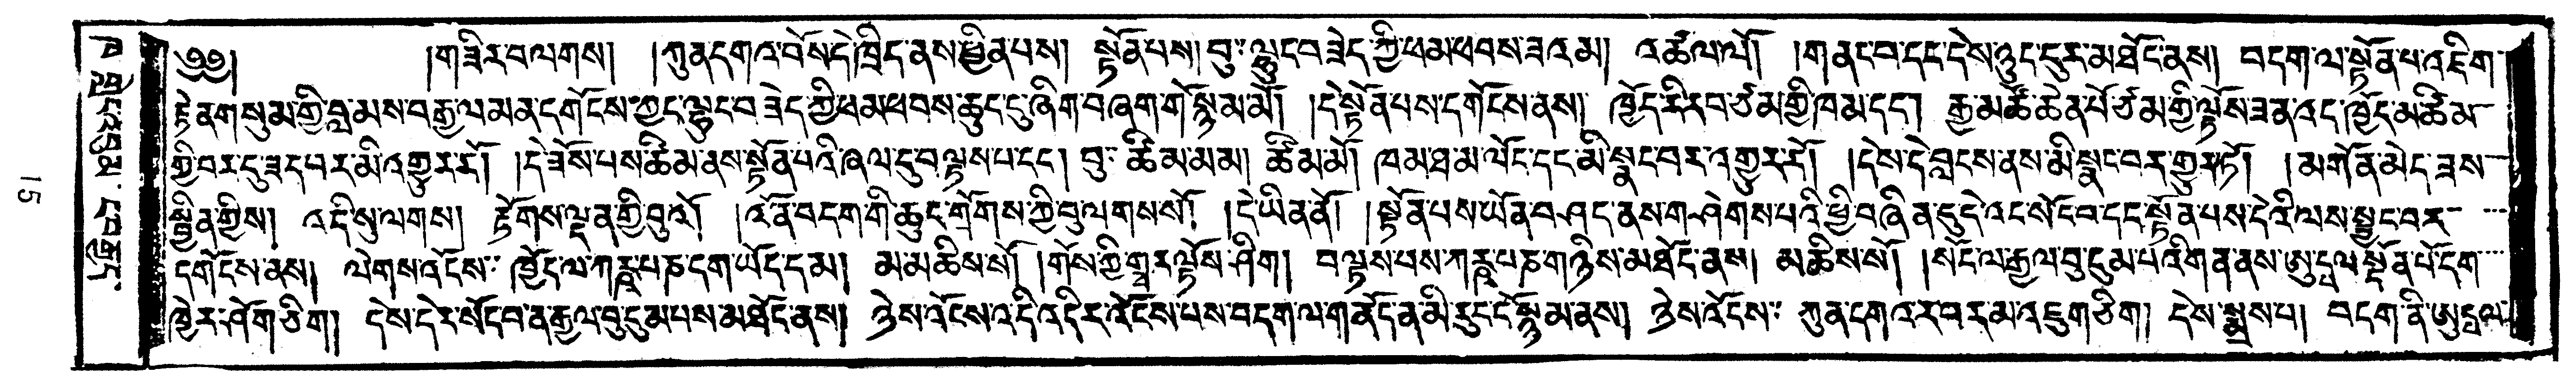༄༅། །གཟིར་བ་ལགས། །ཀུན་དགའ་བོས་དེ་ཁྲིད་ནས་ཕྱིན་པས། སྟོན་པས། བུཿ ལྷུང་བཟེད་ཀྱི་ཕམ་ཕབས་ཟའམ། འཚལ་ལོ། །གནང་བ་དང་དེས་ཉུང་དུར་མཐོང་ནས། བདག་ལ་སྟོན་པ་འཇིག་
རྟེན་གསུམ་གྱི་བླ་མས་བརྒྱ་ལམ་ན་དགོངས་ཀྱང་ལྷུང་བཟེད་ཀྱི་ཕམ་ཕབས་ཆུང་དུ་ཞིག་བཞག་གོ་སྙམ་མོ། །དེ་སྟོན་པས་དགོངས་ནས། ཁྱོད་རི་རབ་ཙམ་གྱི་ཁམ་དང་། རྒྱ་མཚོ་ཆེན་པོ་ཙམ་གྱི་ལྟོས་ཟན་འང་ཁྱོད་མ་ཚིམ་
གྱི་བར་དུ་ཟད་པར་མི་འགྱུར་རོ། །དེ་ཟོས་པས་ཚིམ་ནས་སྟོན་པའི་ཞལ་དུ་བལྟས་པ་དང་། བུཿ ཚིམ་མམ། ཚིམ་མོ། ཁམ་ཐ་མ་ལོང་དང་མི་སྣང་བར་འགྱུར་རོ། །དེས་དེ་བླངས་ནས་མི་སྣང་བར་གྱུར་ཏོ། །མགོན་མེད་ཟས་
སྦྱིན་གྱིས། འདི་སུ་ལགས། རྟོགས་ལྡན་གྱི་བུའོ། །འོ་ན་བདག་གི་ཆུང་གྲོགས་ཀྱི་བུ་ལགས་སོ། །དེ་ཡིན་ནོ། །སྟོན་པས་ཡོན་བཤད་ནས་གཤེགས་པའི་ཕྱི་བཞིན་དུ་དེའང་སོང་བ་དང་སྟོན་པས་དེའི་ལས་སྦྱང་བར་
དགོངས་ནས། ལེགས་འོངས༑ ཁྱོད་ལ་ཀརྵ་པཎ་དག་ཡོད་དམ། མ་མཆིས་སོ། །གོས་ཀྱི་གྲྭར་ལྟོས་ཤིག། བལྟས་པས་ཀརྵ་པཎ་གཉིས་མཐོང་ནས། མཆིས་སོ། །སོང་ལ་རྒྱལ་བུ་དུམ་པའི་གན་ནས་ཨུདཔ་ལ་སྔོན་པོ་དག་
ཁྱེར་ཤོག་ཅིག། དེས་དེར་སོང་བ་ན་རྒྱལ་བུ་དུམ་པས་མཐོང་ནས། ཉེས་འོངས་འདི་འདིར་འོངས་པས་བདག་ལ་གནོད་ན་མི་རུང་ངོ་སྙམ་ནས། ཉེས་འོངསཿ ཀུན་དགའ་ར་བར་མ་འཇུག་ཅིག། དེས་སྨྲས་པ། བདག་ནི་ཨུཏྤལ་